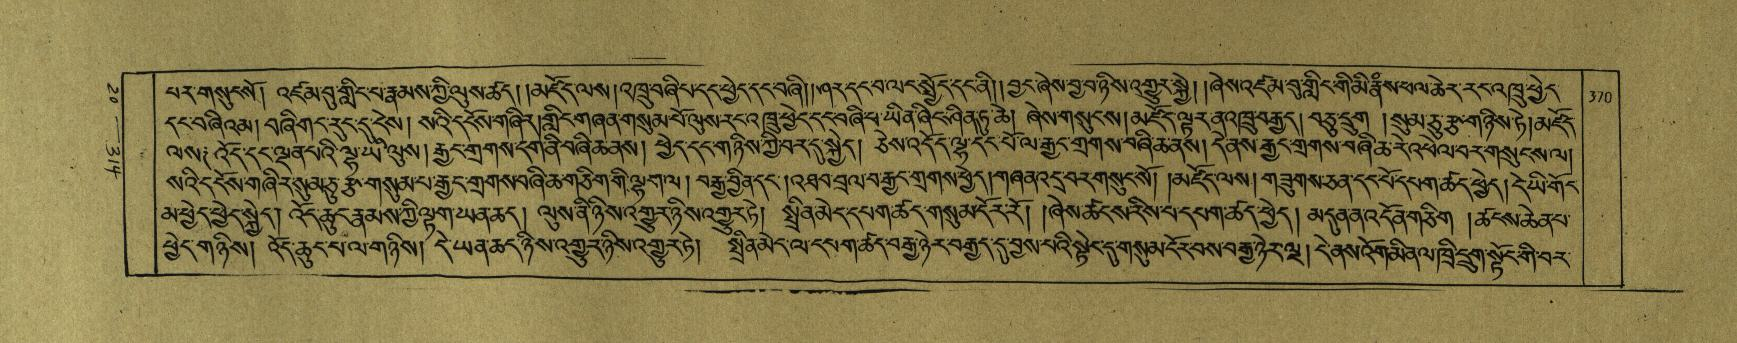པར་གསུངྶོ། འཛམ་བུ་གླིང་པ་རྣམས་ཀྱི་ལུས་ཚད། །མཛོད་ལས། འཁྲུ་བཞི་པ་དང་ཕྱེད་དང་བཞི། །ཤར་དང་བ་ལང་སྤྱོད་དང་ནི། །བྱང་ཞེས་བྱ་བ་ཉིས་འགྱུར་སྐྱེ། །ཞེས་འཛམ་བུ་གླིང་གི་མི་རྣམས་ཕལ་ཆེར་རང་འཁྲུ་ཕྱེད་
དང་བཞིའམ། བཞི་གང་རུང་དུ་དེས། སའི་དངོས་གཞིར། གླིང་གཞན་གསུམ་པོ་ལུས་རང་འཁྲུ་ཕྱེད་དང་བཞི་པ་ཡིན་ཞིང་ཤིན་ཏུ་ཆེ། ཞེས་གསུངས། མཛོད་ལྟར་ན་འཁྲུ་བརྒྱད། བཅུ་དྲུག །སུམ་ཅུ་རྩ་གཉིས་ཏེ། མཛོད་
ལས༑ འོད་དང་ལྡན་པའི་ལྷ་ཡི་ལུས། རྒྱང་གྲགས་དག་ནི་བཞི་ཆ་ནས། ཕྱེད་དང་གཉིས་ཀྱི་བར་དུ་སྐྱེད། ཅེས་འདོད་ལྷ་དང་པོ་ལ་རྒྱང་གྲགས་བཞི་ཆ་ནས། དེ་ནས་རྒྱང་གྲགས་བཞི་ཆ་རེ་འཕེལ་བར་གསུངས་ལ།
སའི་དངོས་གཞིར་སུམ་ཅུ་རྩ་གསུམ་པ་རྒྱང་གྲགས་བཞི་ཆ་གཅིག་གི་ལྷག་ལ། བརྒྱ་བྱིན་དང་། འཐབ་བྲལ་བ་རྒྱང་གྲགས་ཕྱེད། གཞན་འདྲ་བར་གསུངས་སོ། །མཛོད་ལས། གཟུགས་ཅན་དང་པོ་དཔག་ཚད་ཕྱེད། དེ་ཡི་གོང་
མ་ཕྱེད་ཕྱེད་སྐྱེད། འོད་ཆུང་རྣམས་ཀྱི་ལྟག་ཡན་ཆད། ལུས་ནི་ཉིས་འགྱུར་ཉིས་འགྱུར་ཏེ། སྤྲིན་མེད་དཔག་ཚད་གསུམ་དོར་རོ། །ཞེས་ཚངས་རིས་པ་དཔག་ཚད་ཕྱེད། མདུན་ན་འདོན་གཅིག །ཚངས་ཆེན་པ་
ཕྱེད་གཉིས། འོད་ཆུང་པ་ལ་གཉིས། དེ་ཡན་ཆད་ཉིས་འགྱུར་ཉིས་འགྱུར་ཏེ། སྤྲིན་མེད་ལ་དཔག་ཚད་བརྒྱ་ཉེར་བརྒྱད་དུ་བྱས་པའི་སྟེང་དུ་གསུམ་ངོར་བས་བརྒྱ་ཉེར་ལྔ། དེ་ནས་འོག་མིན་ལ་ཁྲི་དྲུག་སྟོང་གི་བར་
ཕྱེད་གཉིས། འོད་ཆུང་པ་ལ་གཉིས། དེ་ཡན་ཆད་ཉིས་འགྱུར་ཉིས་འགྱུར་ཏེ། སྤྲིན་མེད་ལ་དཔག་ཚད་བརྒྱ་ཉེར་བརྒྱད་དུ་བྱས་པའི་སྟེང་དུ་གསུམ་ངོར་བས་བརྒྱ་ཉེར་ལྔ། དེ་ནས་འོག་མིན་ལ་ཁྲི་དྲུག་སྟོང་གི་བར་